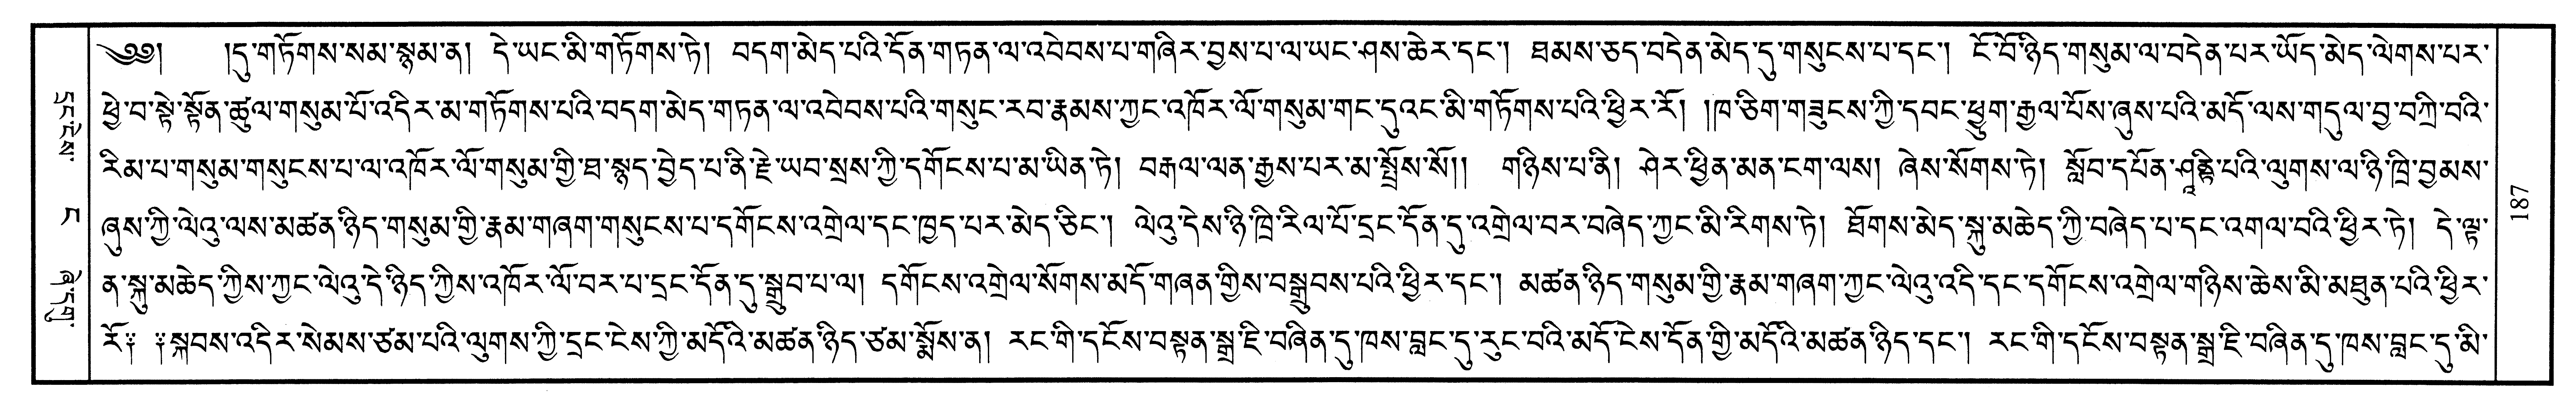༄༅། །དུ་གཏོགས་སམ་སྙམ་ན། དེ་ཡང་མི་གཏོགས་ཏེ། བདག་མེད་པའི་དོན་གཏན་ལ་འབེབས་པ་གཞིར་བྱས་པ་ལ་ཡང་ཤས་ཆེར་དང་། ཐམས་ཅད་བདེན་མེད་དུ་གསུངས་པ་དང་། ངོ་བོ་ཉིད་གསུམ་ལ་བདེན་པར་ཡོད་མེད་ལེགས་པར་
ཕྱེ་བ་སྟེ་སྟོན་ཚུལ་གསུམ་པོ་འདིར་མ་གཏོགས་པའི་བདག་མེད་གཏན་ལ་འབེབས་པའི་གསུང་རབ་རྣམས་ཀྱང་འཁོར་ལོ་གསུམ་གང་དུའང་མི་གཏོགས་པའི་ཕྱིར་རོ། །ཁ་ཅིག་གཟུངས་ཀྱི་དབང་ཕྱུག་རྒྱལ་པོས་ཞུས་པའི་མདོ་ལས་གདུལ་བྱ་བཀྲི་བའི་
རིམ་པ་གསུམ་གསུངས་པ་ལ་འཁོར་ལོ་གསུམ་གྱི་ཐ་སྙད་བྱེད་པ་ནི་རྗེ་ཡབ་སྲས་ཀྱི་དགོངས་པ་མ་ཡིན་ཏེ། བརྒལ་ལན་རྒྱས་པར་མ་སྤྲོས་སོ།། གཉིས་པ་ནི། ཤེར་ཕྱིན་མན་ངག་ལས། ཞེས་སོགས་ཏེ། སློབ་དཔོན་ཤཱནྟི་པའི་ལུགས་ལ་ཉི་ཁྲི་བྱམས་
ཞུས་ཀྱི་ལེའུ་ལས་མཚན་ཉིད་གསུམ་གྱི་རྣམ་གཞག་གསུངས་པ་དགོངས་འགྲེལ་དང་ཁྱད་པར་མེད་ཅིང་། ལེའུ་དེས་ཉི་ཁྲི་རིལ་པོ་དྲང་དོན་དུ་འགྲེལ་བར་བཞེད་ཀྱང་མི་རིགས་ཏེ། ཐོགས་མེད་སྐུ་མཆེད་ཀྱི་བཞེད་པ་དང་འགལ་བའི་ཕྱིར་ཏེ། དེ་ལྟ་
ན་སྐུ་མཆེད་ཀྱིས་ཀྱང་ལེའུ་དེ་ཉིད་ཀྱིས་འཁོར་ལོ་བར་པ་དྲང་དོན་དུ་སྒྲུབ་པ་ལ། དགོངས་འགྲེལ་སོགས་མདོ་གཞན་གྱིས་བསྒྲུབས་པའི་ཕྱིར་དང་། མཚན་ཉིད་གསུམ་གྱི་རྣམ་གཞག་ཀྱང་ལེའུ་འདི་དང་དགོངས་འགྲེལ་གཉིས་ཆེས་མི་མཐུན་པའི་ཕྱིར་
རོ༑ ༑སྐབས་འདིར་སེམས་ཙམ་པའི་ལུགས་ཀྱི་དྲངས་ངེས་ཀྱི་མདོའི་མཚན་ཉིད་ཙམ་སྨོས་ན། རང་གི་དངོས་བསྟན་སྒྲ་ཇི་བཞིན་དུ་ཁས་བླང་དུ་རུང་བའི་མདོ་ངེས་དོན་གྱི་མདོའི་མཚན་ཉིད་དང་། རང་གི་དངོས་བསྟན་སྒྲ་ཇི་བཞིན་དུ་ཁས་བླང་དུ་མི་